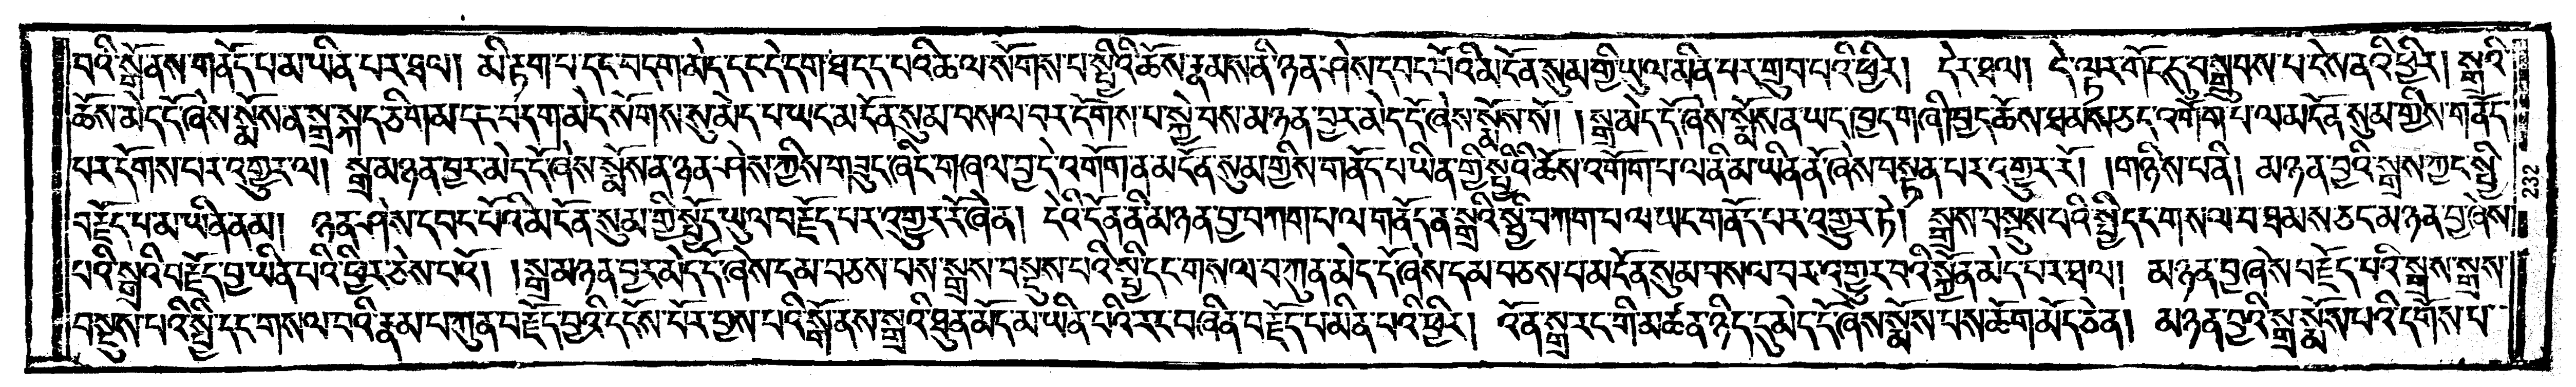བའི་སྒོ་ནས་གནོད་པ་མ་ཡིན་པར་ཐལ། མི་རྟག་པ་དང་བདག་མེད་དང་དེ་དག་ཐ་དད་པའི་ཆ་ལ་སོགས་པ་སྤྱིའི་ཆོས་རྣམས་ནི་ཉན་ཤེས་དབང་པོའི་མངོན་སུམ་གྱི་ཡུལ་མིན་པར་གྲུབ་པའི་ཕྱིར། དེར་ཐལ། དེ་ལྟར་གོང་དུ་བསྒྲུབས་པ་ངེས་ནའི་ཕྱིར། སྒྲའི་
ཆོས་མེད་དོ་ཞེས་སྨོས་ན་སྒྲ་སྐད་ཅིག་མ་དང་བདག་མེད་སོགས་སུ་མེད་པ་ཡང་མངོན་སུམ་བསལ་བར་དོགས་པ་སྐྱེ་བས་མཉན་བྱར་མེད་དོ་ཞེས་སྨོས་སོ། །སྒྲ་མེད་དོ་ཞེས་སྨོས་ན་ཡང་ཁྱད་གཞི་ཁྱད་ཆོས་ཐམས་ཅད་འགོག་པ་ལ་མངོན་སུམ་གྱིས་གནོད་
པར་དོགས་པར་འགྱུར་ལ། སྒྲ་མཉན་བྱར་མེད་དོ་ཞེས་སྨོས་ན་ཉན་ཤེས་ཀྱིས་གཟུང་ཞིང་གཞལ་བྱ་དེ་འགོག་ན་མངོན་སུམ་གྱིས་གནོད་པ་ཡིན་གྱི་སྤྱིའི་ཆོས་འགོག་པ་ལ་ནི་མ་ཡིན་ནོ་ཞེས་བསྟན་པར་འགྱུར་རོ། །གཉིས་པ་ནི། མཉན་བྱའི་སྒྲས་ཀྱང་སྤྱི་
བརྗོད་པ་མ་ཡིན་ནམ། ཉན་ཤེས་དབང་པོའི་མངོན་སུམ་གྱི་སྤྱོད་ཡུལ་བརྗོད་པར་འགྱུར་རོ་ཞེ་ན། དེའི་དོན་ནི་མཉན་བྱ་བཀག་པ་ལ་གནོད་ན་སྒྲའི་སྤྱི་བཀག་པ་ལ་ཡང་གནོད་པར་འགྱུར་ཏེ། སྒྲས་བསྡུས་པའི་སྤྱི་དང་གསལ་བ་ཐམས་ཅད་མཉན་བྱ་ཞེས་
པའི་སྒྲའི་བརྗོད་བྱ་ཡིན་པའི་ཕྱིར་ཅེས་པའོ། །སྒྲ་མཉན་བྱར་མེད་དོ་ཞེས་དམ་བཅས་པས་སྒྲས་བསྡུས་པའི་སྤྱི་དང་གསལ་བ་ཀུན་མེད་དོ་ཞེས་དམ་བཅས་པ་མངོན་སུམ་བསལ་བར་འགྱུར་བའི་སྐྱོན་མེད་པར་ཐལ། མཉན་བྱ་ཞེས་བརྗོད་པའི་སྒྲས་སྒྲས་
བསྡུས་པའི་སྤྱི་དང་གསལ་བའི་རྣམ་པ་ཀུན་བརྗོད་བྱའི་དངོས་པོར་བྱས་པའི་སྒོ་ནས་སྒྲའི་ཐུན་མོང་མ་ཡིན་པའི་རང་བཞིན་བརྗོད་པ་མིན་པའི་ཕྱིར། འོ་ན་སྒྲ་རང་གི་མཚན་ཉིད་དུ་མེད་དོ་ཞེས་སྨོས་པས་ཆོག་མོད་ཅེ་ན། མཉན་བྱའི་སྒྲ་སྨོས་པའི་དགོས་པ་